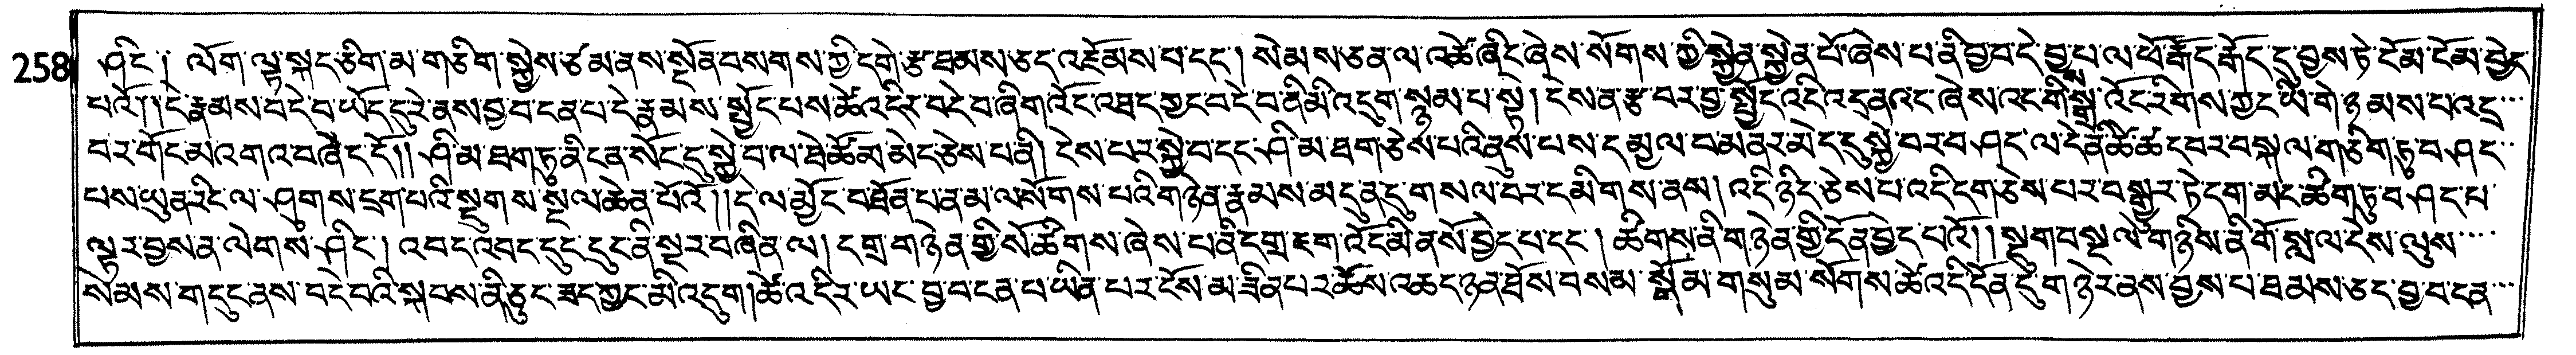ཤིང༑ ལོག་ལྟ་སྐད་ཅིག་མ་གཅིག་སྐྱེས་ཙམ་ནས་སྔོན་བསགས་ཀྱི་དགེ་རྩ་ཐམས་ཅད་འཇོམས་པ་དང་། སེམས་ཅན་ལ་འཚེ་ཞིང་ཞེས་སོགས་ཀྱི་སྐྱེན་སྐྱེན་པོ་ཞེས་པ་ནི་བྱ་བ་དེ་བྱས་པ་ལ་ཕོ་རྒོད་རྒོད་དུ་བྱས་ཏེ་ངོམ་ངོམ་བྱེད་
པའོ༑ ༑དེ་རྣམས་བདེ་བ་ཡོད་དུ་རེ་ནས་བྱ་བ་ངན་པ་དེ་རྣམས་སྤྱོད་པས་ཚེ་འདིར་བདེ་བ་ཞིག་འོང་འཐད་ཀྱང་བདེ་བ་ནི་མི་འདུག་སྙམ་པ་སྟེ། དེས་ན་རྩ་བར་བྱ་སྤྱོད་འདི་འདྲ་ནའ་ང་ཧེས་འང་གི་སྒྲ་འོང་རིགས་ཀྱང་ཡི་གེ་ཉམས་པ་འདྲ་
བར་གོང་མ་འགའ་བཞེད་དོ། །ཤི་མ་ཐག་ཏུ་ནི་ངན་སོང་དུ་སྐྱེ་བ་ལ་ཐེག་ཚོམ་མེད་ཅེས་པ་ནི། ངེས་པར་སྐྱེ་བ་དང་ཤི་མ་ཐག་ཅེས་པའི་ནུས་པས་དམྱལ་བ་མནར་མེད་དུ་སྐྱེ་བར་བཤད་ལ་དེ་ནི་ཚེ་ཚད་བར་བསྐལ་གཅིག་ཏུ་བཤད་
པས་ཡུན་རིང་ལ་ཤུགས་དྲག་པའི་སྡུགས་སྔལ་ཆེན་པོའོ། །དེ་ལ་མྱོང་བ་ཐོན་པ་ན་མ་ལ་སོགས་པའི་གཉེན་རྣམས་མདུན་དུ་གསལ་བར་དམིགས་ནས། འདི་ཉིད་ཅེས་པ་འདི་དག་ཅེས་པར་བསྒྱུར་ཏེ་དག་མང་ཚིག་ཏུ་བཤད་པ་
ལྟར་བྱས་ན་ལེགས་ཤིང་། འབད་འབད་དུང་དུང་ནི་སྔར་བཞིན་ལ། དགྲ་གཉེན་གྱི་སོ་ཚིགས་ཞེས་པ་ནི་དགྲ་ཇག་འོང་མིན་སོ་བྱེད་པ་དང་། ཚིགས་ནི་གཉེན་གྱི་དོན་བྱེད་པའོ། །སྡུག་བསྔལ་གཉིས་ནི་གོ་སླ་ལ་དེས་ལུས་
སེམས་གདུང་ནས་བདེ་བའི་སྐབས་ནི་ཅུང་ཟད་ཀྱང་མི་འདུག །ཚེ་འདིར་ཡང་བྱ་བ་ངན་པ་ཡིན་པར་ངོས་མ་ཟིན་པར་ཆོས་འཆད་ཉན་ཐོས་བསམ་སྒོམ་གསུམ་སོགས་ཚེ་འདི་དོན་དུ་གཉེར་ནས་བྱས་པ་ཐམས་ཅད་བྱ་བ་ངན་